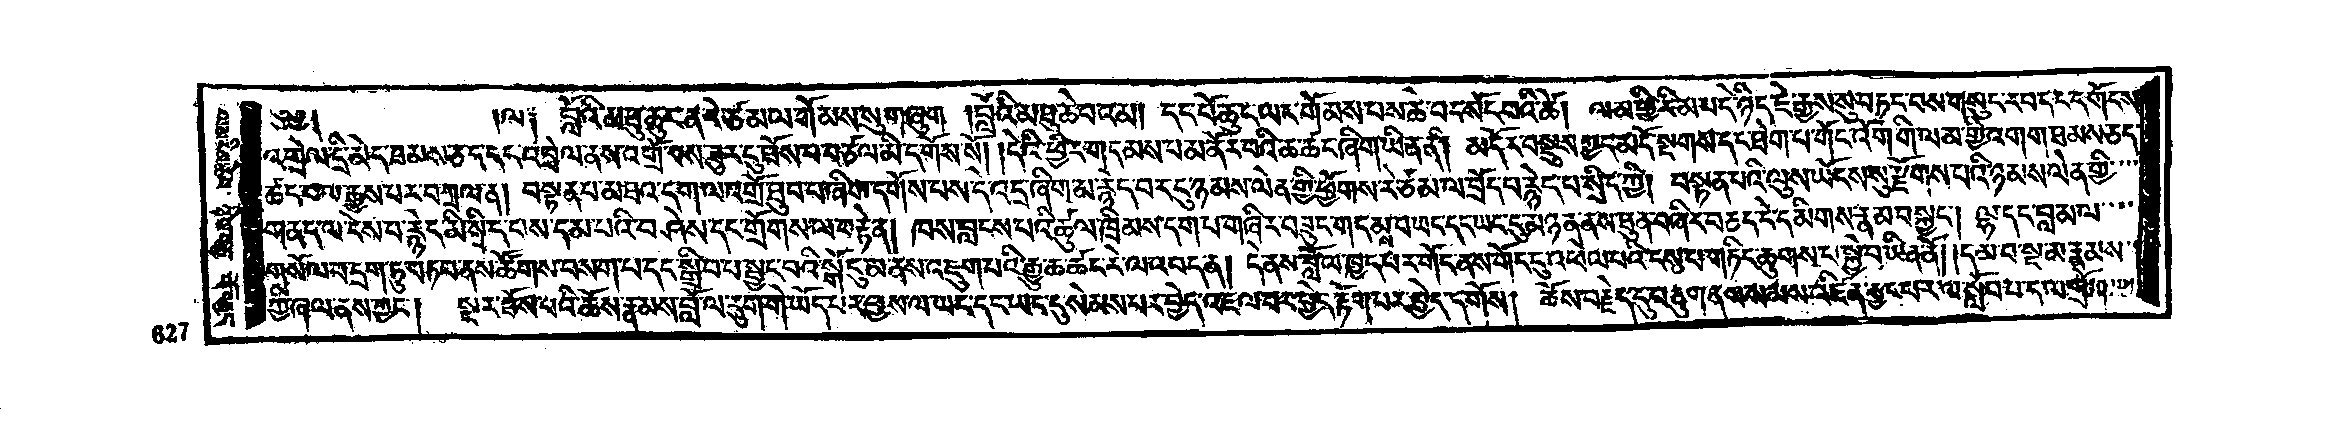༄༅། །ལ༑ བློའི་མཐུ་ཆུང་ན་དེ་ཙམ་ལ་གོམས་སུ་གཞུག །བློའི་མཐུ་ཆེ་བའམ། དང་པོ་ཆུང་ཡང་གོམས་པས་ཆེ་བར་སོང་བའི་ཚེ། ལམ་གྱི་རིམ་པ་དེ་ཉིད་ཇེ་རྒྱས་སུ་བཏང་བས་གསུང་རབ་དང་དགོངས་
འགྲེལ་དྲི་མེད་ཐམས་ཅད་དང་འབྲེལ་ནས་འགྲོ་བས་ཟུར་དུ་ཐོས་པ་བཙལ་མི་དགོས་སོ། །དེའི་ཕྱིར་གདམས་པ་མ་ནོར་བའི་ཆ་ཚང་ཞིག་ཡིན་ན། མདོར་བསྡུས་ཀྱང་མདོ་སྔགས་དང་ཐེག་པ་གོང་འོག་གི་ལམ་གྱི་འགག་ཐམས་ཅད་
ཚང་བ་ལ་རྒྱས་པར་བཀྲལ་ན། བསྟན་པ་མཐའ་དག་ལ་འགྲོ་ཐུབ་པ་ཞིག་དགོས་པས་དེ་འདྲ་ཞིག་མ་རྙེད་པར་དུ་ཉམས་ལེན་གྱི་ཕྱོགས་རེ་ཙམ་ལ་བྲོད་པ་རྙེད་པ་སྲིད་ཀྱི། བསྟན་པའི་ལུས་ཡོངས་སུ་རྫོགས་པའི་ཉམས་ལེན་གྱི་
གནད་ལ་ངེས་པ་རྙེད་མི་སྲིད་པས་དམ་པའི་བཤེས་དང་གྲོགས་ལ་བརྟེན། ཁས་བླངས་པའི་ཚུལ་ཁྲིམས་དག་པ་གཞིར་བཟུང་གདམས་པ་ཡང་དང་ཡང་དུ་མཉན་ནས་ཐུན་བཞིར་བཅད་དེ་དམིགས་རྣམ་བསྐྱང་། ལྷ་དང་བླ་མ་ལ་
གསོལ་བ་དྲག་ཏུ་བཏབ་ནས་ཚོགས་བསག་པ་དང་སྒྲིབ་པ་སྦྱང་བའི་སྒོ་དུ་མ་ནས་འཇུག་པའི་རྒྱུ་ཆ་ཚང་རེ་ལ་འབད་ན། དེ་ནས་བློ་ལ་ཁྱད་པར་གོང་ནས་གོང་དུ་འཕེལ་བའི་ངེས་པ་གཏིང་ཚུགས་པ་སྐྱེ་བ་ཡིན་ནོ། །དམ་པ་སྔ་མ་རྣམས་
ཀྱི་ཞལ་ནས་ཀྱང་། སྔར་ཐོས་པའི་ཆོས་རྣམས་བློ་ལ་རུག་གེ་ཡོད་པར་བྱས་ལ་ཡང་དང་ཡང་དུ་སེམས་པར་བྱེད་འཇལ་བར་བྱེད་རྟོག་པར་བྱེད་དགོས། ཆོས་བརྗེད་དུ་བཅུག་ནས་སེམས་འཛིན་རྐྱང་པ་རེ་ལ་སློབ་པ་དེ་ལ་གྲོག་